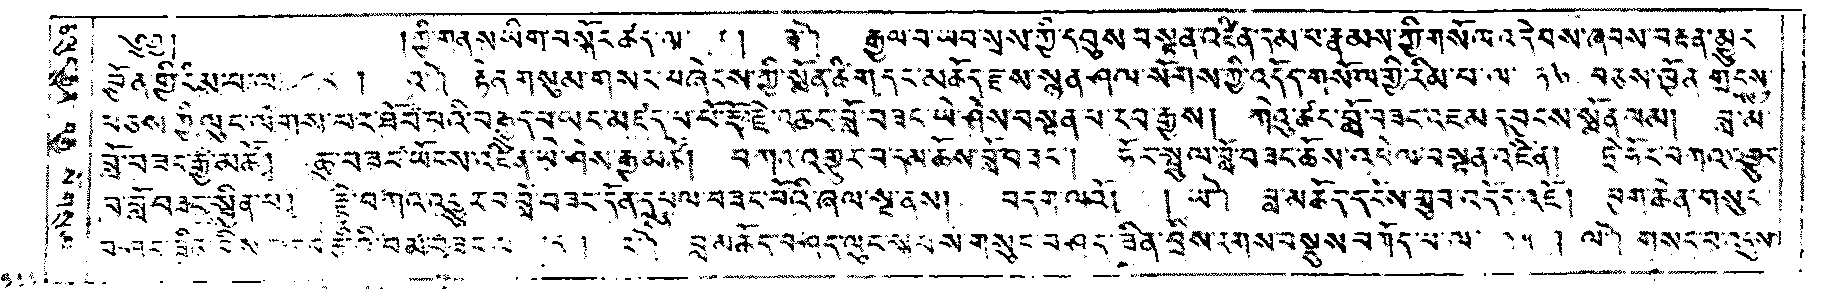༄༅། །ཀྱི་གནས་ཡིག་བསྐོར་ཚད་ལ ༩། ཟ྄་རྒྱལ་བ་ཡབ་སྲས་ཀྱི་དབུས་བསྟན་འཛིན་དམ་པ་རྣམས་ཀྱི་གསོལ་འདེབས་ཞབས་བརྟན་མྱུར་
བྱོན་གྱི་རིམ་པ་ལ ༡༨། འ྄་རྟེན་གསུམ་གསར་བཞེངས་ཀྱི་སྨོན་ཚིག་དང་མཆོད་རྫས་སྙན་ཤལ་སོགས་ཀྱི་འདོད་གསོལ་གྱི་རིམ་པ་ལ ༢༦་བཅས་ཁྱོན་གྲངས ༥༤༡
བཅས་ཀྱི་ལུང་ལེགས་པར་ཐོབ་པའི་བརྒྱུད་པ་ཡང་མཛད་པ་པོ་རྡོ་རྗེ་འཆང་བློ་བཟང་ཡེ་ཤེས་བསྟན་པ་རབ་རྒྱས། ཀེའུ་ཚང་བློ་བཟང་འཇམ་དབྱངས་སྨོན་ལམ། བླ་མ་
བློ་བཟང་རྒྱ་མཚོ། ཆུ་བཟང་ཡོངས་འཛིན་ཡེ་ཤེས་རྒྱ་མཚོ། བཀའ་འགྱུར་བ་དམ་ཆོས་བློ་བཟང་། ཧོར་སྤྲུལ་བློ་བཟང་ཆོས་འཕེལ་བསྟན་འཛིན། ཏྲེ་ཧོར་བཀའ་འགྱུར་
བ་བློ་བཟང་སྦྱིན་པ། རྗེ་བཀའ་འགྱུར་བ་བློ་བཟང་དོན་ལྡན་དཔལ་བཟང་པོའི་ཞལ་སྔ་ནས། བདག་ལའོ། །ཡ྄་བླ་མཆོད་དངོས་གྲུབ་འདོད་འཇོ། ཕྱག་ཆེན་གསུང་
བཤད་ཟིན་བྲིས་བདུད་རྩིའི་བུམ་བཟང་ལ ༡༨། ར྄་བླ་མཆོད་བཤད་ལུང་སྐབས་གསུང་བཤད་ཟིན་བྲིས་རགས་བསྡུས་བཀོད་པ་ལ ༢༥། ལ྄་གསང་བ་འདུས་